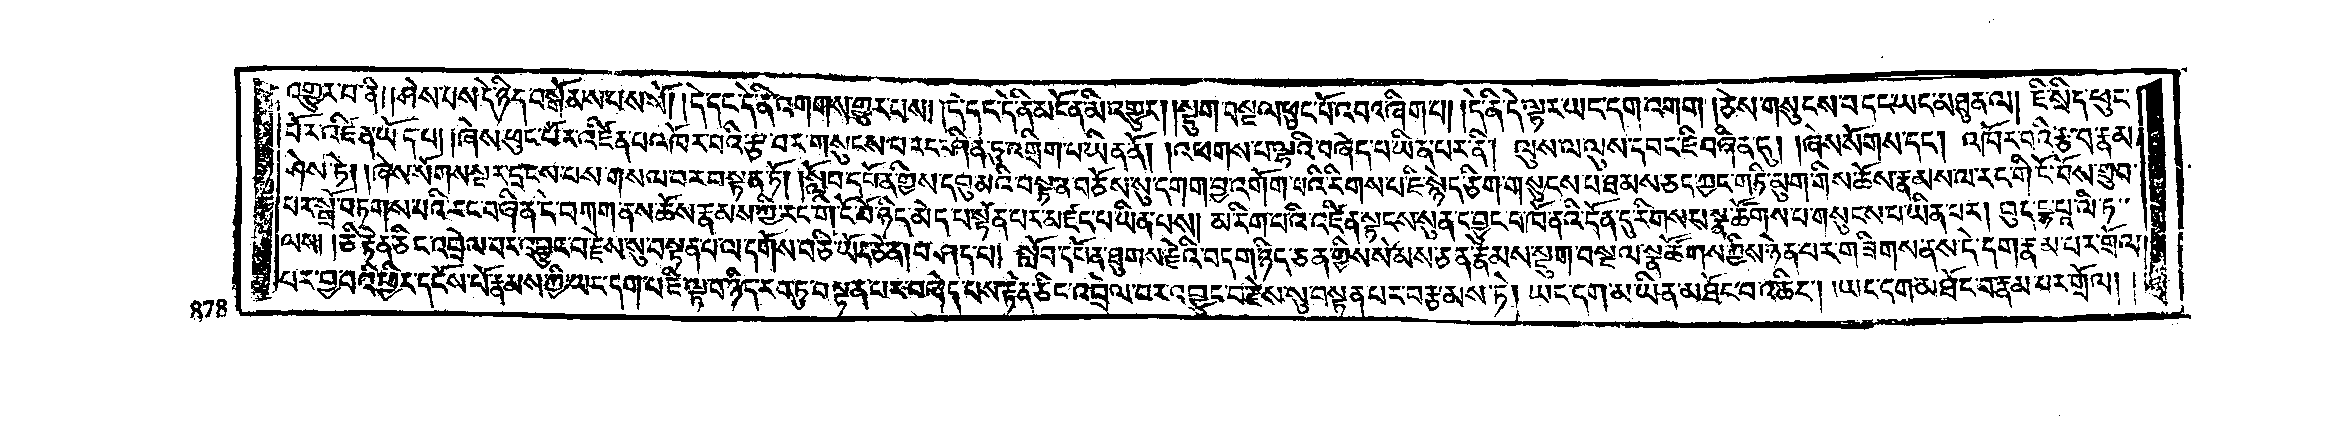འགྱུར་བ་ནི། །ཤེས་པས་དེ་ཉིད་བསྒོམས་པས་སོ། །དེ་དང་དེ་ནི་འགགས་གྱུར་པས། །དེ་དང་དེ་ནི་མངོན་མི་འགྱུར། །སྡུག་བསྔལ་ཕུང་པོ་འབའ་ཞིག་པ། །དེ་ནི་དེ་ལྟར་ཡང་དག་འགག །ཅེས་གསུངས་པ་དང་ཡང་མཐུན་ལ། ཇི་སྲིད་ཕུང་
པོར་འཛིན་ཡོད་པ། །ཞེས་ཕུང་པོར་འཛིན་པ་འཁོར་བའི་རྩ་བར་གསུངས་པ་དང་ཤིན་ཏུ་འགྲིག་པ་ཡིན་ནོ། །འཕགས་པ་ལྷའི་བཞེད་པ་ཡིན་པར་ནི། ལུས་ལ་ལུས་དབང་ཇི་བཞིན་དུ། །ཞེས་སོགས་དང་། འཁོར་བའི་རྩ་བ་རྣམ་
ཤེས་ཏེ། །ཞེས་སོགས་སྔར་དྲངས་པས་གསལ་བར་བསྟན་ཏོ། །སློབ་དཔོན་གྱིས་དབུ་མའི་བསྟན་བཅོས་སུ་དགག་བྱ་འགོག་པའི་རིགས་པ་ཇི་སྙེད་ཅིག་གསུངས་པ་ཐམས་ཅད་ཀྱང་གཏི་མུག་གིས་ཆོས་རྣམས་ལ་རང་གི་ངོ་བོས་གྲུབ་
པར་སྒྲོ་བཏགས་པའི་རང་བཞིན་དེ་བཀག་ནས་ཆོས་རྣམས་ཀྱི་རང་གི་ངོ་བོ་ཉིད་མེད་པ་སྟོན་པར་མཛད་པ་ཡིན་པས། མ་རིག་པའི་འཛིན་སྟངས་སུན་དབྱུང་བ་ཁོ་ནའི་དོན་དུ་རིགས་པ་སྣ་ཚོགས་པ་གསུངས་པ་ཡིན་པར། བུད་དྷ་པཱ་ལི་ཏ་
ལས༑ ཅི་རྟེན་ཅིང་འབྲེལ་པར་འབྱུང་བ་རྗེས་སུ་བསྟན་པ་ལ་དགོས་པ་ཅི་ཡོད་ཅེ་ན། བཤད་པ། སློབ་དཔོན་ཐུགས་རྗེའི་བདག་ཉིད་ཅན་གྱིས་སེམས་ཅན་རྣམས་སྡུག་བསྔལ་སྣ་ཚོགས་ཀྱི་ཉེན་པར་གཟིགས་ནས་དེ་དག་རྣམ་པར་གྲོལ་
བར་བྱ་བའི་ཕྱིར་དངོས་པོ་རྣམས་ཀྱི་ཡང་དག་པ་ཇི་ལྟ་བ་ཉིད་རབ་ཏུ་བསྟན་པར་བཞེད་པས་རྟེན་ཅིང་འབྲེལ་པར་འབྱུང་བ་རྗེས་སུ་བསྟན་པར་བརྩམས་ཏེ། ཡང་དག་མ་ཡིན་མཐོང་བ་འཆིང་། །ཡང་དག་མཐོང་བ་རྣམ་པར་གྲོལ། །